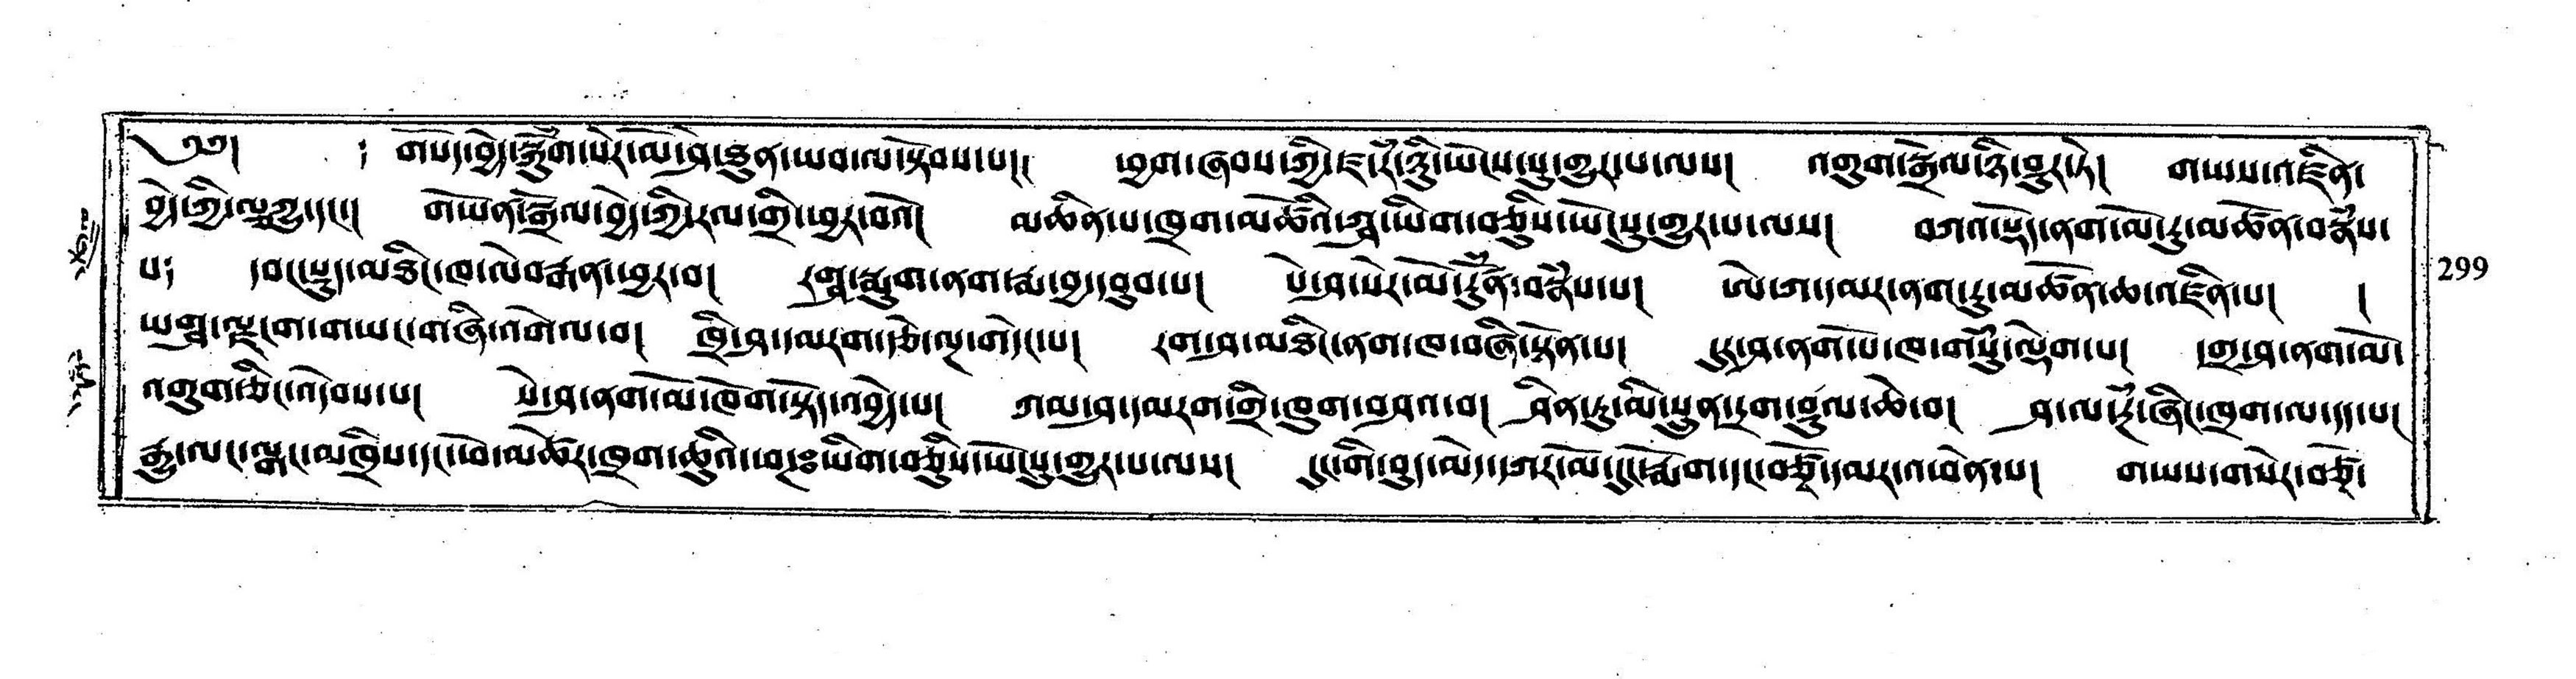གསོད་བྱེད་སྐུ་མདོག་སེར་མོ་ཤེ་ཐུན་ཡབ་ལ་སྟོབས་པ།། ཕྱག་ཞབས་ཀྱི་ཛ་རཾ་ཉི་ཤུ་ཡོངས་སུ་གྱུར་པ་ལས། འགུག་སྒྲོལ་ཉི་ཤུ་ཏེ། གཡས་འཛིན་
བྱེད་ཀྱི་ལྕག་ཀྱུ་དང་། གཡོན་སྒྲོལ་བྱེད་ཀྱི་རལ་གྲི་ཕྱར་བའོ། མཆིན་པ་ཁྲག་མཚོའི་ཀྴ་ཡིག་བཅུ་གཉིས་ཡོངས་སུ་གྱུར་པ་ལས། བཀའ་སྡོད་ནག་མོ་རུ་མཚོན་བསྣམས་
པ། དབང་སྡུད་མཐིང་ཁ་ལེབ་རྒན་ཕྱར་བ། རགྴ་སྨུག་ནག་རྨ་བྱ་དབུབ་པ། པེ་ཤ་སེར་མོ་རུ་མཚོན་བསྣམས་པ། ཨེ་ཀ་དམར་ནག་རུ་མཚོན་ཆ་འཛིན་པ། 
ཡགྴ་ལྗང་ནག་གཡང་གཞི་འགེལ་བ། ཁྲི་ཤ་དམར་ནག་རྩེ་ལྔ་གདེང་པ། རག་ཤ་མཐིང་ནག་ཁ་བཞི་སྟོན་པ། དུར་ཤ་ནག་པོ་ཁ་གསུམ་ལྡེག་པ། དགྲ་ཤ་ནག་མོ་
འགུག་ཅིང་འདེབས་པ། སེ་ཤ་ནག་མོ་ཁོག་སྟོད་འབྱེད་པ། ཀམ་ཤ་དམར་ནག་གྲི་ཁུག་བཤའ་བ། ཤིན་ཏུ་མི་སྲུན་དྲག་ཤུལ་ཆེ་བ། ཤ་ལ་རྔམ་ཞིང་ཁྲག་ལ་དད་པ། 
རྒྱུ་ལང་ལྒང་མཁྲིས་དང་ཕོ་མཚེར་ཁྲག་ཆུའི་ཕཊཿཡིག་བཅུ་གཉིས་ཡོངས་སུ་གྱུར་པ་ལས། དུང་གི་བུད་མེད་དཀར་མོ་དུང་རྨོག་དང་བཙྭོ་དམར་འཕེན་པ། གཡས་གསེར་བཙྭོ་